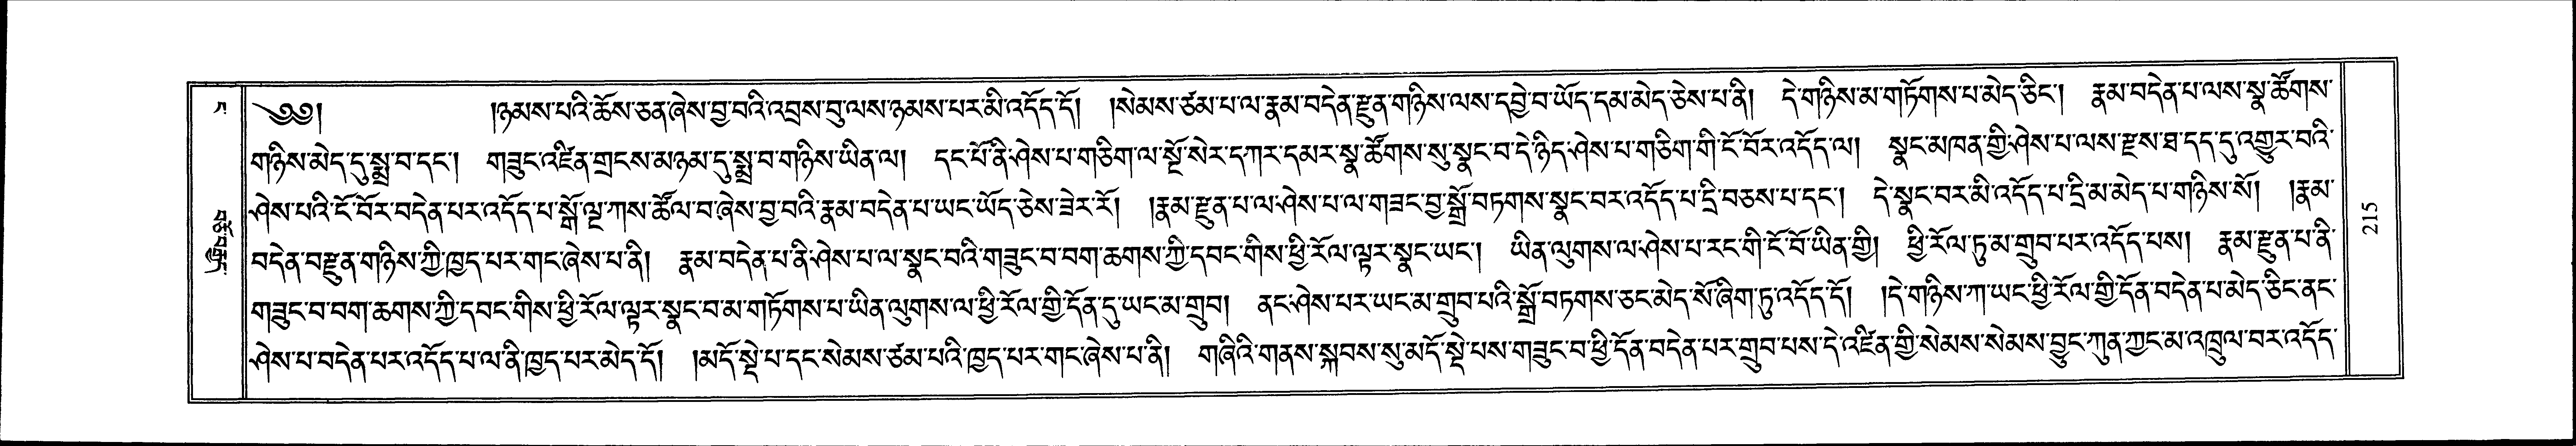༄༅། །ཉམས་པའི་ཆོས་ཅན་ཞེས་བྱ་བའི་འབྲས་བུ་ལས་ཉམས་པར་མི་འདོད་དོ། །སེམས་ཙམ་པ་ལ་རྣམ་བདེན་རྫུན་གཉིས་ལས་དབྱེ་བ་ཡོད་དམ་མེད་ཅེས་པ་ནི། དེ་གཉིས་མ་གཏོགས་པ་མེད་ཅིང་། རྣམ་བདེན་པ་ལས་སྣ་ཚོགས་
གཉིས་མེད་དུ་སྨྲ་བ་དང་། གཟུང་འཛིན་གྲངས་མཉམ་དུ་སྨྲ་བ་གཉིས་ཡིན་ལ། དང་པོ་ནི་ཤེས་པ་གཅིག་ལ་སྔོ་སེར་དཀར་དམར་སྣ་ཚོགས་སུ་སྣང་བ་དེ་ཉིད་ཤེས་པ་གཅིག་གི་ངོ་བོར་འདོད་ལ། སྣང་མཁན་གྱི་ཤེས་པ་ལས་རྫས་ཐ་དད་དུ་འགྱུར་བའི་
ཤེས་པའི་ངོ་བོར་བདེན་པར་འདོད་པ་སྒོ་ལྔ་ཀས་ཚོལ་བ་ཞེས་བྱ་བའི་རྣམ་བདེན་པ་ཡང་ཡོད་ཅེས་ཟེར་རོ། །རྣམ་རྫུན་པ་ལ་ཤེས་པ་ལ་གཟང་བྱ་སྒྲོ་བཏགས་སྣང་བར་འདོད་པ་དྲི་བཅས་པ་དང་། དེ་སྣང་བར་མི་འདོད་པ་དྲི་མ་མེད་པ་གཉིས་སོ། །རྣམ་
བདེན་བརྫུན་གཉིས་ཀྱི་ཁྱད་པར་གང་ཞེས་པ་ནི། རྣམ་བདེན་པ་ནི་ཤེས་པ་ལ་སྣང་བའི་གཟུང་བ་བག་ཆགས་ཀྱི་དབང་གིས་ཕྱི་རོལ་ལྟར་སྣང་ཡང་། ཡིན་ལུགས་ལ་ཤེས་པ་རང་གི་ངོ་བོ་ཡིན་གྱི། ཕྱི་རོལ་ཏུ་མ་གྲུབ་པར་འདོད་པས། རྣམ་རྫུན་པ་ནི་
གཟུང་བ་བག་ཆགས་ཀྱི་དབང་གིས་ཕྱི་རོལ་ལྟར་སྣང་བ་མ་གཏོགས་པ་ཡིན་ལུགས་ལ་ཕྱི་རོལ་གྱི་དོན་དུ་ཡང་མ་གྲུབ། ནང་ཤེས་པར་ཡང་མ་གྲུབ་པའི་སྒྲོ་བཏགས་ཅང་མེད་སོ་ཞིག་ཏུ་འདོད་དོ། །དེ་གཉིས་ཀ་ཡང་ཕྱི་རོལ་གྱི་དོན་བདེན་པ་མེད་ཅིང་ནང་
ཤེས་པ་བདེན་པར་འདོད་པ་ལ་ནི་ཁྱད་པར་མེད་དོ། །མདོ་སྡེ་པ་དང་སེམས་ཙམ་པའི་ཁྱད་པར་གང་ཞེས་པ་ནི། གཞིའི་གནས་སྐབས་སུ་མདོ་སྡེ་པས་གཟུང་བ་ཕྱི་དོན་བདེན་པར་གྲུབ་པས་དེ་འཛིན་གྱི་སེམས་སེམས་བྱུང་ཀུན་ཀྱང་མ་འཁྲུལ་བར་འདོད་